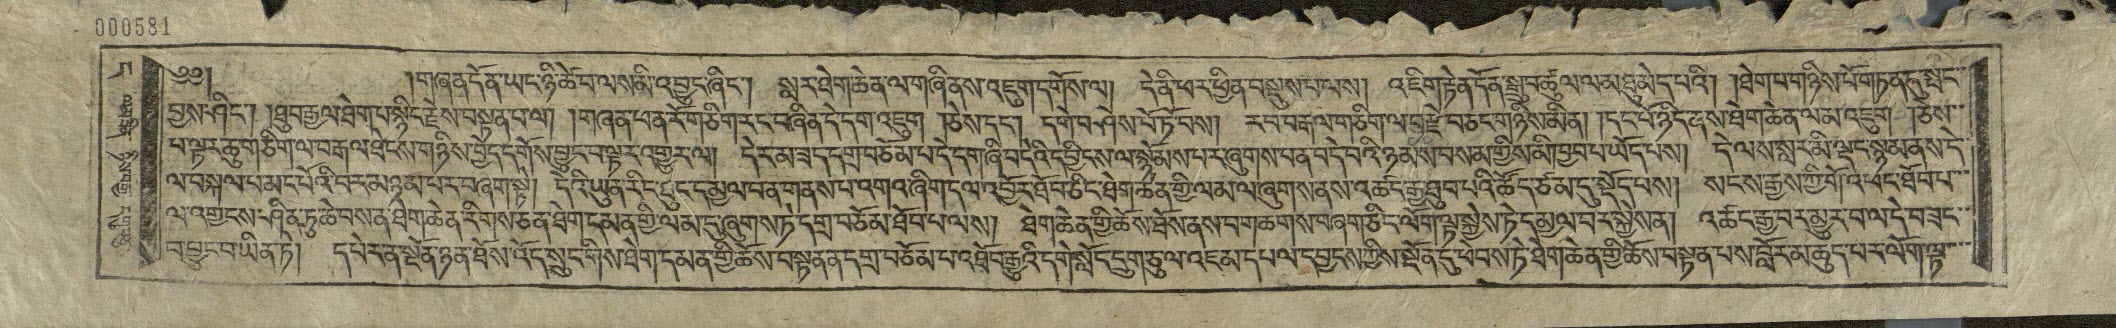༄༅། །གཞན་དོན་ཡང་ཉི་ཚེ་བ་ལས་མི་འབྱུང་ཞིང་། སླར་ཐེག་ཆེན་ལ་གཞི་ནས་འཇུག་དགོས་ལ། དེ་ནི་ཕར་ཕྱིན་བསྡུས་པ་ལས། འཇིག་རྟེན་དོན་སྒྲུབ་ཚུལ་ལ་མཐུ་མེད་པའི། །ཐེག་པ་གཉིས་པོ་གཏན་དུ་སྤང་
བྱས་ཤིང་། །ཐུབ་རྒྱལ་ཐེག་པ་སྙིང་རྗེས་བསྟན་པ་ལ། །གཞན་ཕན་རོ་གཅིག་རང་བཞིན་དེ་དག་འཇུག །ཅེས་དང་། དགེ་བཤེས་པོ་ཏོ་བས། རབ་བརྒལ་གཅིག་ལ་བརྫེ་བཅང་གཉིས་མིན། །དང་པོ་ཉིད་ནས་ཐེག་ཆེན་ལམ་འཇུག །ཅེས་
པ་ལྟར་ཆུ་གཅིག་ལ་བརྒལ་ཐེངས་གཉིས་བྱེད་དགོས་བྱུང་བ་ལྟར་འགྱུར་ལ། དེར་མ་ཟད་དགྲ་བཅོམ་པ་དེ་དག་ཞི་བདེའི་དབྱིངས་ལ་སྙོམས་པར་ཞུགས་པ་ན་བདེ་བའི་ཉམས་བསམ་གྱིས་མི་ཁྱབ་པ་ཡོད་པས། དེ་ལས་སླར་མི་ལྡང་སྙམ་ནས་དེ་
ལ་བསྐལ་པ་མང་པོའི་བར་མཉམ་པར་བཞག་སྟེ། དེའི་ཡུན་རིང་ཐུང་དམྱལ་བ་ན་གནས་པ་འགའ་ཞིག་དལ་འབྱོར་ཐོབ་ཅིང་ཐེག་ཆེན་གྱི་ལམ་ལ་ཞུགས་ནས་འཚང་རྒྱ་ཐུབ་པའི་ཚོད་ཙམ་དུ་སྡོད་པས། སངས་རྒྱས་ཀྱི་གོ་འཕང་ཐོབ་པ་
ལ་འགྱངས་ཤིན་ཏུ་ཆེ་བས་ན་ཐེག་ཆེན་རིགས་ཅན་ཐེག་དམན་གྱི་ལམ་དུ་ཞུགས་ཏེ་དགྲ་བཅོམ་ཐོབ་པ་ལས། ཐེག་ཆེན་གྱི་ཆོས་ཐོས་ནས་བག་ཆགས་བཞག་ཅིང་ལོག་ལྟ་སྐྱེས་ཏེ་དམྱལ་བར་སྐྱེས་ན། འཚང་རྒྱ་བར་མྱུར་བ་ལ་དེ་བཟང་
བ་བྱུང་བ་ཡིན་ཏེ། དཔེར་ན་སྔོན་ཉན་ཐོས་འོད་སྲུང་གིས་ཐེག་དམན་གྱི་ཆོས་བསྟན་ན་དགྲ་བཅོམ་པ་འཐོབ་རྒྱུའི་དགེ་སློང་དྲུག་ཅུ་ལ་འཇམ་དཔལ་དབྱངས་ཀྱིས་སྔོན་དུ་ཕེབས་ཏེ་ཐེག་ཆེན་གྱི་ཆོས་བསྟན་པས་བློར་མ་ཆུད་པར་ལོག་ལྟ་